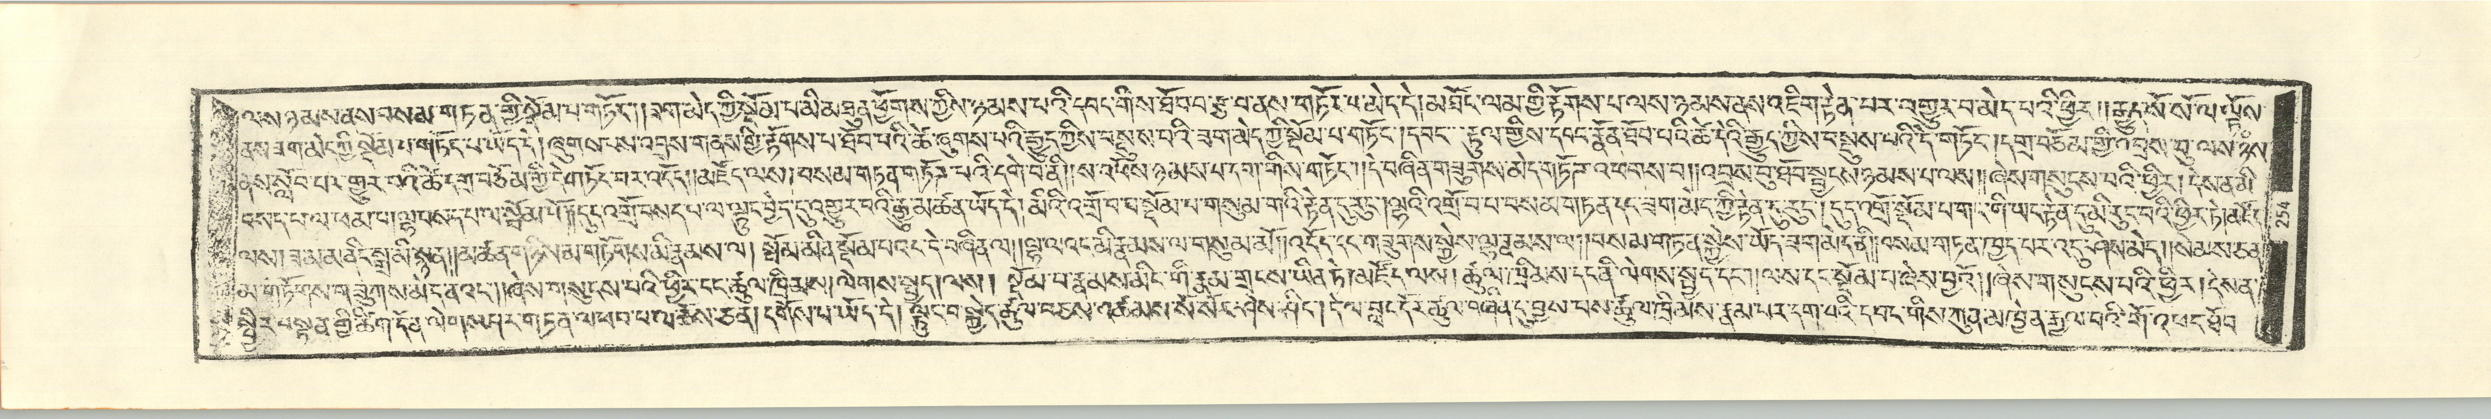ལས་ཉམས་ནས་བསམ་གཏན་གྱི་སྡོམ་པ་གཏོར། །ཟག་མེད་ཀྱི་སྡོམ་པ་མི་མཐུན་ཕྱོགས་ཀྱིས་ཉམས་པའི་དབང་གིས་ཐོབ་བ་རྩ་བ་ནས་གཏོར་པ་མེད་དེ། མཐོང་ལམ་གྱི་རྟོགས་པ་ལས་ཉམས་ནས་འཇིག་རྟེན་པར་འགྱུར་བ་མེད་པའི་ཕྱིར། །རྒྱུད་སོ་སོ་ལ་ལྟོས་
ནས་ཟག་མེད་ཀྱི་སྡོམ་པ་གཏོང་པ་ཡོད་དེ། ཞུགས་པས་འབྲས་གནས་གྱི་རྟོགས་པ་ཐོབ་པའི་ཚེ་ཞུགས་པའི་རྒྱུད་ཀྱིས་བསྡུས་པའི་ཟག་མེད་ཀྱི་སྡོམ་པ་གཏོང་། དབང་རྟུལ་གྱིས་དབང་རྣོན་ཐོབ་པའི་ཚེ་དེའི་རྒྱུད་ཀྱིས་བསྡུས་པའི་དེ་གཏོང་། དགྲ་བཅོམ་གྱི་འབྲས་བུ་ལས་ཉམས་
ནས་སློབ་པར་གྱུར་བའི་ཚེ་དགྲ་བཅོམ་གྱི་དེ་གཏོང་བར་འདོད། །མཛོད་ལས། བསམ་གཏན་གཏོགས་པའི་དགེ་བ་ནི། །ས་འཕོས་ཉམས་པ་དག་གིས་གཏོང་། །དེ་བཞིན་གཟུགས་མེད་གཏོགས་འཕགས་བ། །འབྲས་བུ་ཐོབ་སྦྱངས་ཉམས་པ་ལས། །ཞེས་གསུངས་པའི་ཕྱིར། དེས་ན་མི་
བསད་པ་ལ་ཕམ་པ། ལྷ་བསད་པ་ལ་སྤོམ་པོ། །དུད་འགྲོ་བསད་པ་ལ་ལྟུང་བྱེད་དུ་འགྱུར་བའི་རྒྱུ་མཚན་ཡོད་དེ། མིའི་འགྲོ་བ་པ་སྡོམ་པ་གསུམ་གའི་རྟེན་དུ་རུང་། ལྷའི་འགྲོ་བ་པ་བསམ་གཏན་དང་ཟག་མེད་ཀྱི་རྟེན་དུ་རུང་། དུད་འགྲོ་སྡོམ་པ་གང་གི་ཡང་རྟེན་དུ་མི་རུང་བའི་ཕྱིར་ཏེ། མཛོད་
ལས༑ ཟ་མ་མ་ནིང་སྒྲ་མི་སྙན། །མཚན་གཉིས་མ་གཏོགས་མི་རྣམས་ལ། སྤོམ་མིན་སྡོམ་པའང་དེ་བཞིན་ལ། །ལྷ་ལའང་མི་རྣམས་ལ་གསུམ་མོ། །འདོད་དང་གཟུགས་སྐྱེས་ལྷ་རྣམས་ལ། །བསམ་གཏན་སྐྱེས་ཡོད་ཟག་མེད་ནི། །བསམ་གཏན་ཁྱད་པར་འདུ་ཤེས་མེད། །སེམས་ཅན་
མ་གཏོགས་གཟུགས་མེད་ནའང་། །ཞེས་གསུངས་པའི་ཕྱིར་དང་ཚུལ་ཁྲིམས། ལེགས་སྤྱད། ལས། སྡོམ་པ་རྣམས་མིང་གི་རྣམ་གྲངས་ཡིན་ཏེ། མཛོད་ལས། ཚུལ་ཁྲིམས་དང་ནི་ལེགས་སྤྱད་དང་། །ལས་དང་སྡོམ་པ་ཞེས་བྱའོ། །ཞེས་གསུངས་པའི་ཕྱིར། དེས་ན་
སྤྱིར་བསྟན་གྱི་ཚིག་དོན་ལེགས་ཤར་གཏན་ལ་ཕབ་པ་ལ་ཆོས་ཅན། དགོས་པ་ཡོད་དེ། ལྟུང་བ་སྐྱེད་ཚུལ་བཅས་འཚམས་སོ་སོར་ཤེས་ཤིང་། དེ་ལ་བླང་དོར་ཚུལ་བཞིན་དུ་བྱས་པས་ཚུལ་ཁྲིམས་རྣམ་པར་དག་པའི་དབང་གིས་ཀུན་མཁྱེན་རྒྱལ་བའི་གོ་འཕང་ཐོབ་